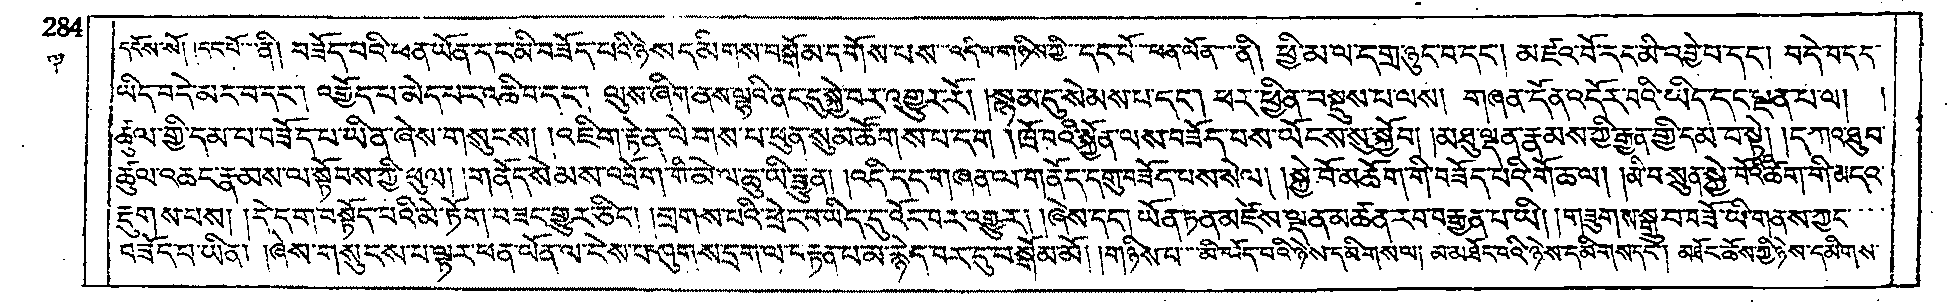དངོས་སོ། །དང་པོནི། བཟོད་པའི་ཕན་ཡོན་དང་མི་བཟོད་པའི་ཉེས་དམིགས་བསྒོམ་དགོས་པསའདི་ལ་གཉིས་ཀྱི་དང་པོཕན་ཡོནནི། ཕྱི་མ་ལ་དགྲ་ཉུང་བ་དང་། མཛའ་བོ་དང་མི་འབྱེ་བ་དང་། བདེ་བ་དད་
ཡིད་བདེ་མང་བ་དང་། འགྱོད་པ་མེད་པར་འཆི་བ་དང་། ལུས་ཞིག་ནས་ལྷའི་ནང་དུ་སྐྱེ་བར་འགྱུར་རོ། །སྙམ་དུ་སེམས་པ་དང་། ཕར་ཕྱིན་བསྡུས་པ་ལས། གཞན་དོན་འདོར་བའི་ཡིད་དང་ལྡན་པ་ལ། །
ཚུལ་གྱི་དམ་པ་བཟོད་པ་ཡིན་ཞེས་གསུངས། །འཇིག་རྟེན་ལེགས་པ་ཕུན་སུམ་ཚོགས་པ་དག །ཁྲོ་བའི་སྐྱོན་ལས་བཟོད་པས་ཡོངས་སུ་སྐྱོབ། །མཐུ་ལྡན་རྣམས་ཀྱི་རྒྱན་གྱི་དམ་པ་སྟེ། །དཀའ་ཐུབ་
ཚུལ་འཆང་རྣམས་ལ་སྟོབས་ཀྱི་ཕུལ། །གནོད་སེམས་འབྲོག་གི་མི་ལ་ཆུ་ཡི་རྒྱུན། །འདི་དང་གཞན་ལ་གནོད་དགུ་བཟོད་པས་སེལ། །སྐྱེ་བོ་མཆོག་གི་བཟོད་པའི་གོ་ཆ་ལ། །མི་བསྲུན་སྐྱེ་བོའི་ཚིག་གི་མདའ་
རྡུགས་པས། །དེ་དག་བསྟོད་པའི་མི་ཏོག་བཟང་གྱུར་ཅིང་། །གྲགས་པའི་ཕྲེང་བ་ཡིད་དུ་འོང་བར་འགྱུར། །ཞེས་དང་། ཡོན་ཏན་མཛེས་ལྡན་མཚན་རབ་བརྒྱན་པ་ཡི། །གཟུགས་སྒྲུབ་བཟོ་ཡི་གནས་ཀྱང་
བཟོད་པ་ཡིན། །ཞེས་གསུངས་པ་ལྟར་ཕན་ཡོན་ལ་ངེས་པ་ཤུགས་དྲག་ལ་བརྟན་པ་མ་རྙེད་བར་དུ་བསྒོམ་མོ། །གཉིས་པམི་བཟོད་པའི་ཉེས་དམིགས་ལ། མ་མཐོང་བའི་ཉེས་དམིགས་དང་། མཐོང་ཆོས་ཀྱི་ཉེས་དམིགས་